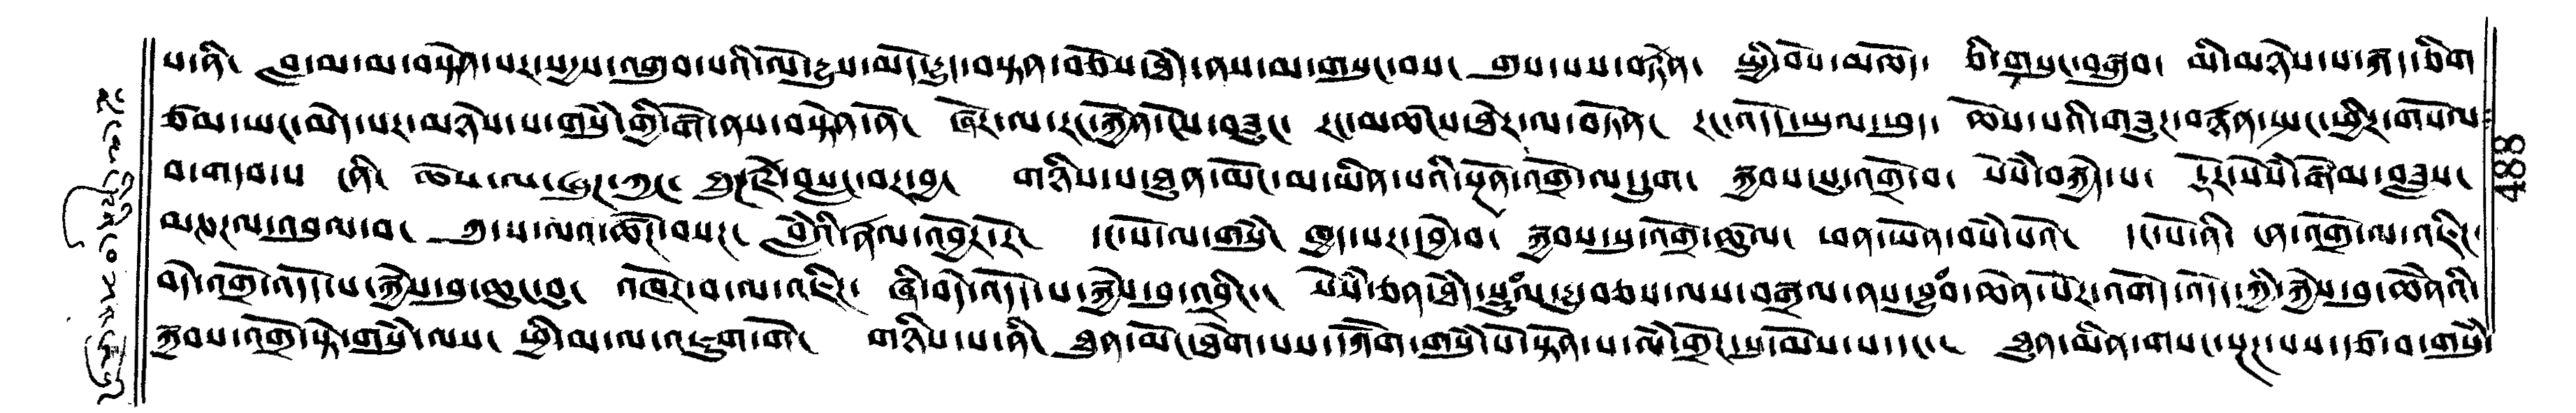པ་ནི། བླ་མ་མ་བསྟེན་པར་སངས་རྒྱས་འགྲུབ་པའི་ལོ་རྒྱུས་མདོ་རྒྱུད་བསྟན་བཅོས་ཐམས་ཅད་ནས་མ་གསུངས་བས། གུས་པས་བསྟེན། སྤྱི་བོས་མཆོད། ཅི་གསུང་སྒྲུབས། མི་མཉེས་པ་སྐད་ཅིག་
ཙམ་ཡང་མེད་པར་མཉེས་པ་གསུམ་གྱི་སྒོ་ནས་བསྟེན་ནོ། ཞོར་ལ་རང་སྐྱོན་ངོས་བཟུང་། རང་མཚང་ཐེར་ལ་ཐོན། རང་འདོད་ཡུལ་ཕུད། ཆོས་པའི་གཟུགས་བརྙན་སྤོང་ཕྱིར་གསོལ་
བ་གདབ་པ་ནི། ཆོས་ལ་ཞུགས་ཀྱང་། ཐུགས་རྗེ་བསླང་བར་བྱ། གཉིས་པ་ཐུན་མོང་མ་ཡིན་པའི་སྔོན་འགྲོ་ལ་དྲུག སྐྱབས་སུ་འགྲོ་བ། སེམས་བསྐྱེད་པ། རྡོར་སེམས་སྒོམ་བཟླས། 
མཎྜལ་འབུལ་བ། ཀུ་ས་ལའི་ཚོགས་བསགས། བླ་མའི་རྣལ་འབྱོར་རོ། དང་པོ་ལ་གསུམ། ཁྱད་པར་དབྱེ་བ། སྐྱབས་སུ་འགྲོ་ཚུལ། ཕན་ཡོན་བསམ་པའོ། དང་པོ་ནི། ངན་འགྲོ་ལ་འཇིགས་
བདེ་འགྲོ་འདོད་པ་སྐྱེས་སུ་ཆུང་ངུ་། འཁོར་བ་ལ་འཇིགས་ནས་ཞི་བདེ་འདོད་པ་སྐྱེས་བུ་འབྲིང་། སེམས་ཅན་ཐམས་ཅད་སྡུག་བསྔལ་རྒྱུ་བཅས་ལས་བསྒྲལ་ནས་བྱང་ཆུབ་ཆེན་པོར་འགོད་འདོད་ཀྱི་སྐྱེས་བུ་ཆེན་པོའི་
སྐྱབས་འགྲོ་སྟེ་གསུམ་ལས། ཕྱི་མ་ལ་འཇུག་གོ གཉིས་པ་ནི། ཐུན་མོང་ཐེག་པས་དཀོན་མཆོག་གསུམ་པོ་སྟོན་པ་ལམ་གྲོགས་སུ་མོས་པ་དང་། ཐུན་མིན་གསང་སྔགས་པས་རྩ་བ་གསུམ་